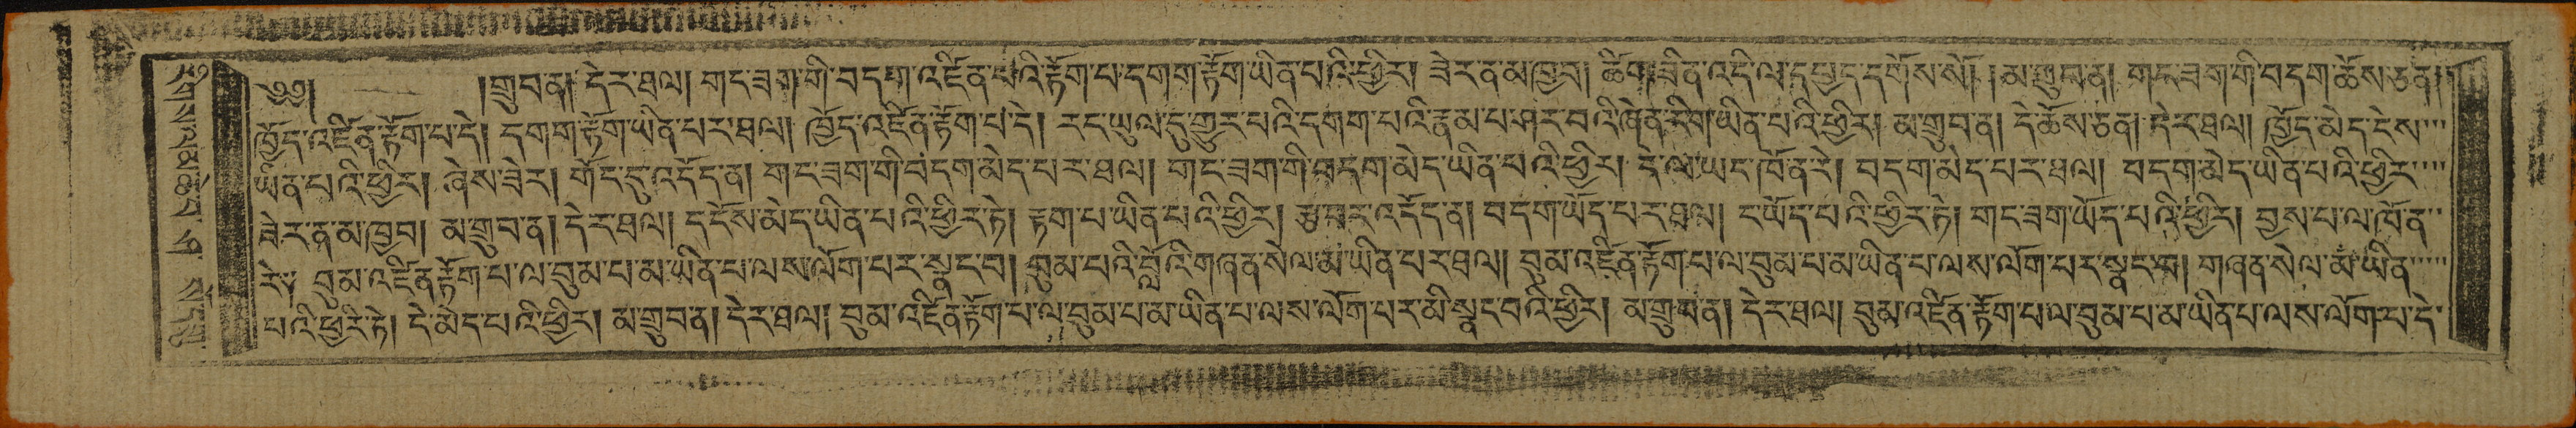༄༅། །གྲུབ་ན། དེར་ཐལ། གང་ཟག་གི་བདག་འཛིན་པའི་རྟོག་པ་དགག་རྟོག་ཡིན་པའི་ཕྱིར། ཟེར་ན་མ་ཁྱབ། ཚིག་ཟིན་འདི་ལ་དཔྱད་དགོས་སོ། །མ་གྲུབ་ན། གང་ཟག་གི་བདག་ཆོས་ཅན།
ཁྱོད་འཛིན་རྟོག་པ་དེ། དགག་རྟོག་ཡིན་པར་ཐལ། ཁྱོད་འཛིན་རྟོག་པ་དེ། རང་ཡུལ་དུ་གྱུར་པའི་དགག་པའི་རྣམ་པ་ཤར་བའི་ཞེན་རིག་ཡིན་པའི་ཕྱིར། མ་གྲུབ་ན། དེ་ཆོས་ཅན། དེར་ཐལ། ཁྱོད་མེད་ངེས་
ཡིན་པའི་ཕྱིར། ཞེས་ཟེར། གོང་དུ་འདོད་ན། གང་ཟག་གི་བདག་མེད་པར་ཐལ། གང་ཟག་གི་བདག་མེད་ཡིན་པའི་ཕྱིར། དེ་ལ་ཡང་ཁོ་ན་རེ། བདག་མེད་པར་ཐལ། བདག་མེད་ཡིན་པའི་ཕྱིར་
ཟེར་ན་མ་ཁྱབ། མ་གྲུབ་ན། དེར་ཐལ། དངོས་མེད་ཡིན་པའི་ཕྱིར་ཏེ། རྟག་པ་ཡིན་པའི་ཕྱིར། རྩ་བར་འདོད་ན། བདག་ཡོད་པར་ཐལ། ང་ཡོད་པའི་ཕྱིར་ཏེ། གང་ཟག་ཡོད་པའི་ཕྱིར། བྱས་པ་ལ་ཁོ་ན་
རེ༑ བུམ་འཛིན་རྟོག་པ་ལ་བུམ་པ་མ་ཡིན་པ་ལས་ལོག་པར་སྣང་བ། བུམ་པའི་བློའི་གཞན་སེལ་མ་ཡིན་པར་ཐལ། བུམ་འཛིན་རྟོག་པ་ལ་བུམ་པ་མ་ཡིན་པ་ལས་ལོག་པར་སྣང་བ། གཞན་སེལ་མ་ཡིན་
པའི་ཕྱིར་ཏེ། དེ་མེད་པའི་ཕྱིར། མ་གྲུབ་ན། དེར་ཐལ། བུམ་འཛིན་རྟོག་པ་ལ་བུམ་པ་མ་ཡིན་པ་ལས་ལོག་པར་མི་སྣང་བའི་ཕྱིར། མ་གྲུབ་ན། དེར་ཐལ། བུམ་འཛིན་རྟོག་པ་ལ་བུམ་པ་མ་ཡིན་པ་ལས་ལོག་པ་དེ་